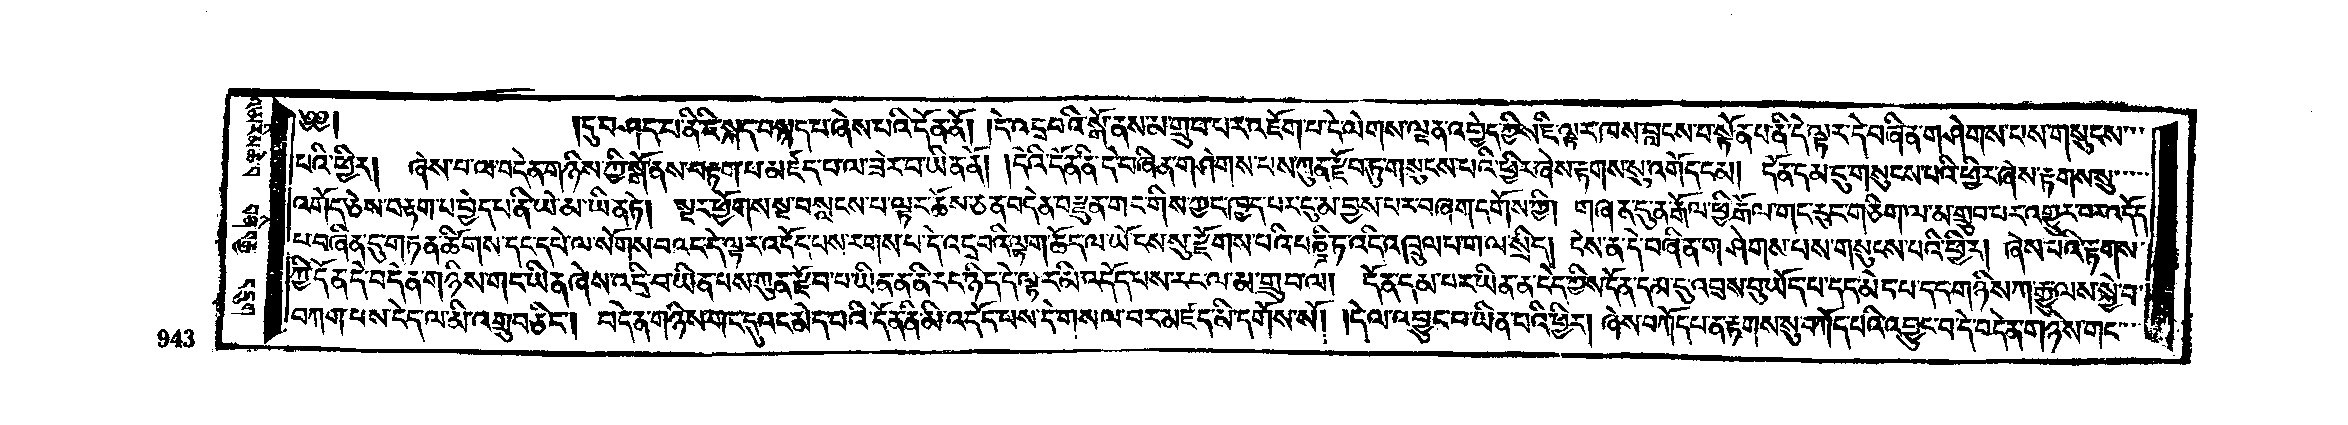༄༅། །དུ་བཤད་པ་ནི་ཇི་སྐད་བསྙད་པ་ཞེས་པའི་དོན་ནོ། །དེ་འདྲ་བའི་སྒོ་ནས་མ་གྲུབ་པར་འཇོག་པ་དེ་ལེགས་ལྡན་འབྱེད་ཀྱིས་ཇི་ལྟར་ཁས་བླངས་པ་སྟོན་པ་ནི་དེ་ལྟར་དེ་བཞིན་གཤེགས་པས་གསུངས་
པའི་ཕྱིར། ཞེས་པ་ལ་བདེན་གཉིས་ཀྱི་སྒོ་ནས་བརྟག་པ་མཛད་པ་ལ་ཟེར་བ་ཡིན་ནོ། །དེའི་དོན་ནི་དེ་བཞིན་གཤེགས་པས་ཀུན་རྫོབ་ཏུ་གསུངས་པའི་ཕྱིར་ཞེས་རྟགས་སུ་འགོད་དམ། དོན་དམ་དུ་གསུངས་པའི་ཕྱིར་ཞེས་རྟགས་སུ་
འགོད་ཅེས་བརྟག་པ་བྱེད་པ་ནི་ཡེ་མ་ཡིན་ཏེ། སྔར་ཕྱོགས་སྔ་བསླངས་པ་ལྟར་ཆོས་ཅན་བདེན་བརྫུན་གང་གིས་ཀྱང་ཁྱད་པར་དུ་མ་བྱས་པར་བཞག་དགོས་ཀྱི། གཞན་དུ་ན་རྒོལ་ཕྱི་རྒོལ་གང་རུང་གཅིག་ལ་མ་གྲུབ་པར་འགྱུར་བར་འདོད་
པ་བཞིན་དུ་གཏན་ཚིགས་དང་དཔེ་ལ་སོགས་པའང་དེ་ལྟར་འདོད་པས་རགས་པ་དེ་འདྲ་བའི་ལྟག་ཆོད་ལ་ཡོངས་སུ་རྫོགས་པའི་པཎྜི་ཏ་འདི་འཁྲུལ་བ་ག་ལ་སྲིད། དེས་ན་དེ་བཞིན་གཤེགས་པས་གསུངས་པའི་ཕྱིར། ཞེས་པའི་རྟགས་
ཀྱི་དོན་དེ་བདེན་གཉིས་གང་ཡིན་ཞེས་འདྲི་བ་ཡིན་པས་ཀུན་རྫོབ་པ་ཡིན་ན་ནི་རང་ཉིད་དེ་ལྟར་མི་འདོད་པས་རང་ལ་མ་གྲུབ་ལ། དོན་དམ་པར་ཡིན་ན་ངེད་ཀྱིས་དོན་དམ་དུ་འབྲས་བུ་ཡོད་པ་དང་མེད་པ་དང་གཉིས་ཀ་རྒྱུ་ལས་སྐྱེ་བ་
བཀག་པས་ངེད་ལ་མི་འགྲུབ་ཅིང་། བདེན་གཉིས་གང་དུའང་མེད་པའི་དོན་ནི་མི་འདོད་པས་དེ་གསལ་བར་མཛད་མི་དགོས་སོ། །དེ་ལ་འབྱུང་བ་ཡིན་པའི་ཕྱིར། ཞེས་བཀོད་པ་ན་རྟགས་སུ་བཀོད་པའི་འབྱུང་བ་དེ་བདེན་གཉིས་གང་